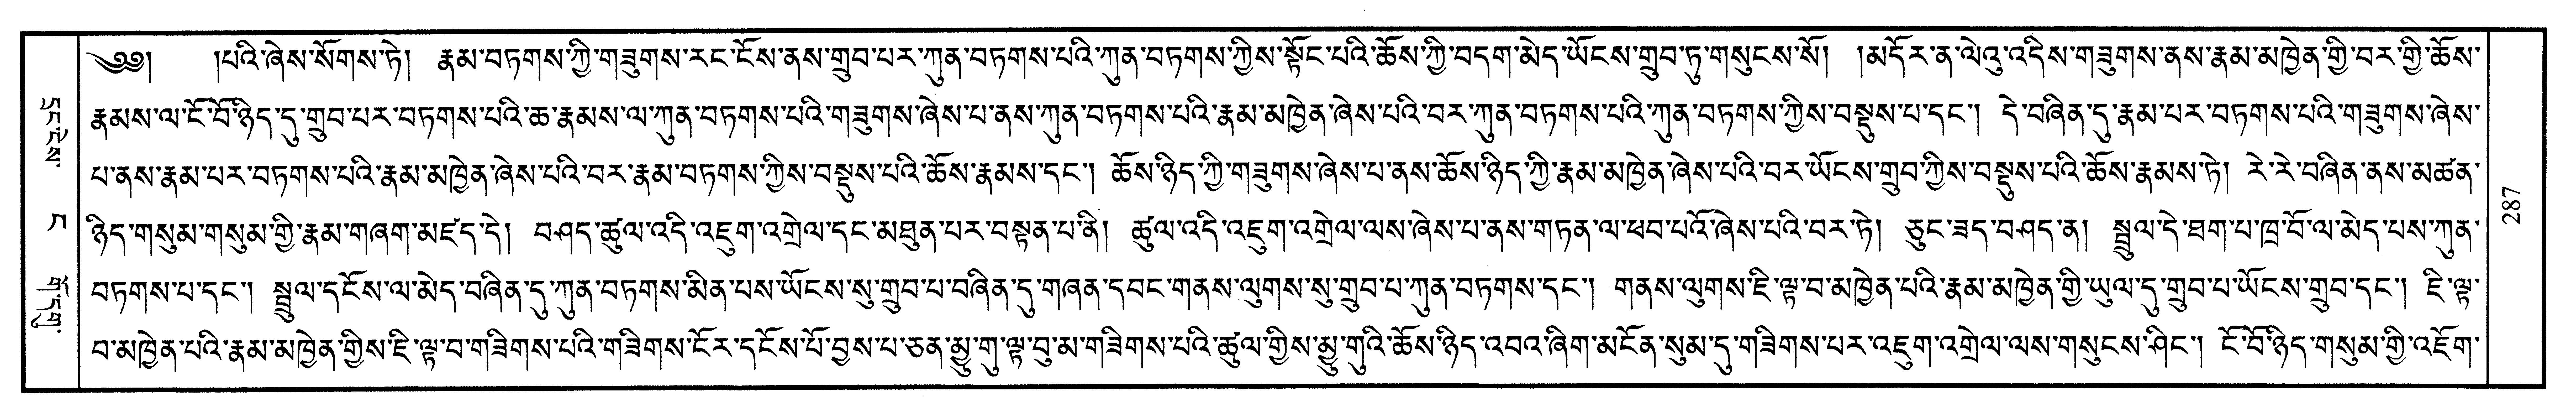༄༅། །པའི་ཞེས་སོགས་ཏེ། རྣམ་བཏགས་ཀྱི་གཟུགས་རང་ངོས་ནས་གྲུབ་པར་ཀུན་བཏགས་པའི་ཀུན་བཏགས་ཀྱིས་སྟོང་པའི་ཆོས་ཀྱི་བདག་མེད་ཡོངས་གྲུབ་ཏུ་གསུངས་སོ། །མདོར་ན་ལེའུ་འདིས་གཟུགས་ནས་རྣམ་མཁྱེན་གྱི་བར་གྱི་ཆོས་
རྣམས་ལ་ངོ་བོ་ཉིད་དུ་གྲུབ་པར་བཏགས་པའི་ཆ་རྣམས་ལ་ཀུན་བཏགས་པའི་གཟུགས་ཞེས་པ་ནས་ཀུན་བཏགས་པའི་རྣམ་མཁྱེན་ཞེས་པའི་བར་ཀུན་བཏགས་པའི་ཀུན་བཏགས་ཀྱིས་བསྡུས་པ་དང་། དེ་བཞིན་དུ་རྣམ་པར་བཏགས་པའི་གཟུགས་ཞེས་
པ་ནས་རྣམ་པར་བཏགས་པའི་རྣམ་མཁྱེན་ཞེས་པའི་བར་རྣམ་བཏགས་ཀྱིས་བསྡུས་པའི་ཆོས་རྣམས་དང་། ཆོས་ཉིད་ཀྱི་གཟུགས་ཞེས་པ་ནས་ཆོས་ཉིད་ཀྱི་རྣམ་མཁྱེན་ཞེས་པའི་བར་ཡོངས་གྲུབ་ཀྱིས་བསྡུས་པའི་ཆོས་རྣམས་ཏེ། རེ་རེ་བཞིན་ནས་མཚན་
ཉིད་གསུམ་གསུམ་གྱི་རྣམ་གཞག་མཛད་དེ། བཤད་ཚུལ་འདི་འཇུག་འགྲེལ་དང་མཐུན་པར་བསྟན་པ་ནི། ཚུལ་འདི་འཇུག་འགྲེལ་ལས་ཞེས་པ་ནས་གཏན་ལ་ཕབ་པའོ་ཞེས་པའི་བར་ཏེ། ཅུང་ཟད་བཤད་ན། སྦྲུལ་དེ་ཐག་པ་ཁྲ་བོ་ལ་མེད་པས་ཀུན་
བཏགས་པ་དང་། སྦྲུལ་དངོས་ལ་མེད་བཞིན་དུ་ཀུན་བཏགས་མིན་པས་ཡོངས་སུ་གྲུབ་པ་བཞིན་དུ་གཞན་དབང་གནས་ལུགས་སུ་གྲུབ་པ་ཀུན་བཏགས་དང་། གནས་ལུགས་ཇི་ལྟ་བ་མཁྱེན་པའི་རྣམ་མཁྱེན་གྱི་ཡུལ་དུ་གྲུབ་པ་ཡོངས་གྲུབ་དང་། ཇི་ལྟ་
བ་མཁྱེན་པའི་རྣམ་མཁྱེན་གྱིས་ཇི་ལྟ་བ་གཟིགས་པའི་གཟིགས་ངོར་དངོས་པོ་བྱས་པ་ཅན་མྱུ་གུ་ལྟ་བུ་མ་གཟིགས་པའི་ཚུལ་གྱིས་མྱུ་གུའི་ཆོས་ཉིད་འབའ་ཞིག་མངོན་སུམ་དུ་གཟིགས་པར་འཇུག་འགྲེལ་ལས་གསུངས་ཤིང་། ངོ་བོ་ཉིད་གསུམ་གྱི་འཇོག་